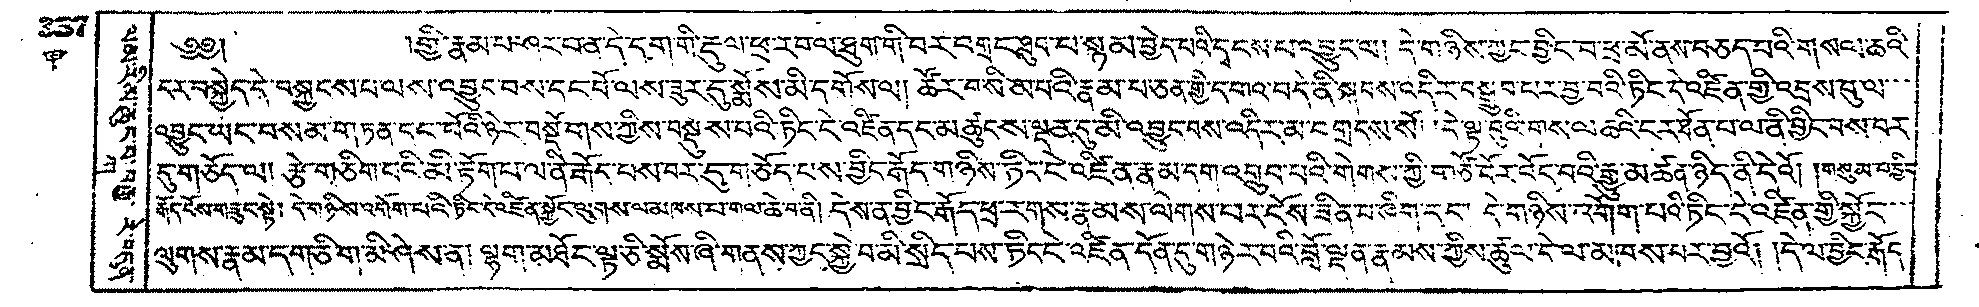༄༅། །གྱི་རྣམ་པ་ཤར་བ་ན་དེ་དག་གི་རྡུལ་ཕྲ་རབ་ལ་ཐུག་གི་བར་བགྲང་ཐུབ་པ་སྙམ་བྱེད་པའི་དྭངས་པ་འབྱུང་ལ། དེ་གཉིས་ཀྱང་བྱིང་བ་ཕྲ་མོ་ནས་བཅད་པའི་གསལ་ཆའི་
ངར་བསྐྱེད་དེ་བསྐྱངས་པ་ལས་འབྱུང་བས་དང་པོ་ལས་ཟུར་དུ་སྨོས་མི་དགོས་ལ། ཚོར་བ་སིམ་པའི་རྣམ་པ་ཅན་གྱི་དགའ་བདེ་ནི་སྐབས་འདིར་བསྒྲུབ་པར་བྱ་བའི་ཏིང་ངེ་འཛིན་གྱི་འབྲས་བུ་ལ་
འབྱུང་ཡང་བསམ་གཏན་དང་པོའི་ཉེར་བསྡོགས་ཀྱིས་བསྡུས་པའི་ཏིང་ངེ་འཛིན་དང་མཚུངས་ལྡན་དུ་མི་འབྱུང་བས་འདིར་མ་བགྲངས་སོ། །དེ་ལྟ་བུའི་གསལ་ཆའི་ངར་ཐོན་པ་ལ་ནི་བྱིང་བས་བར་
དུ་གཅོད་ལ། རྩེ་གཅིག་པའི་མི་རྟོག་པ་ལ་ནི་རྒོད་པས་བར་དུ་གཅོད་པས་བྱིང་རྒོད་གཉིས་ཏིང་ངེ་འཛིན་རྣམ་དག་འགྲུབ་པའི་གེགས་ཀྱི་གཙོ་བོར་འོང་བའི་རྒྱུ་མཚན་ཉིད་ནི་དེའོ། །གསུམ་པ་བྱིང་
རྒོད་ངོས་གཟུང་སྟེ། དེ་གཉིས་འགོག་པའི་ཏིང་ངེ་འཛིན་སྐྱོང་ལུགས་ལ་མཁས་པ་གལ་ཆེ་བ་ནི། དེས་ན་བྱིང་རྒོད་ཕྲ་རགས་རྣམས་ལེགས་པར་ངོས་ཟིན་པ་ཞིག་དང་། དེ་གཉིས་འགོག་པའི་ཏིང་ངེ་འཛིན་གྱི་སྐྱོང་
ལུགས་རྣམ་དག་ཅིག་མི་ཤེས་ན། ལྷག་མཐོང་ལྟ་ཅི་སྨོས་ཞི་གནས་ཀྱང་སྐྱེ་བ་མི་སྲིད་པས་ཏིང་ངེ་འཛིན་དོན་དུ་གཉེར་བའི་བློ་ལྡན་རྣམས་ཀྱིས་ཚུལ་དེ་ལ་མཁས་པར་བྱའོ། །དེ་ལ་བྱིང་རྒོད་